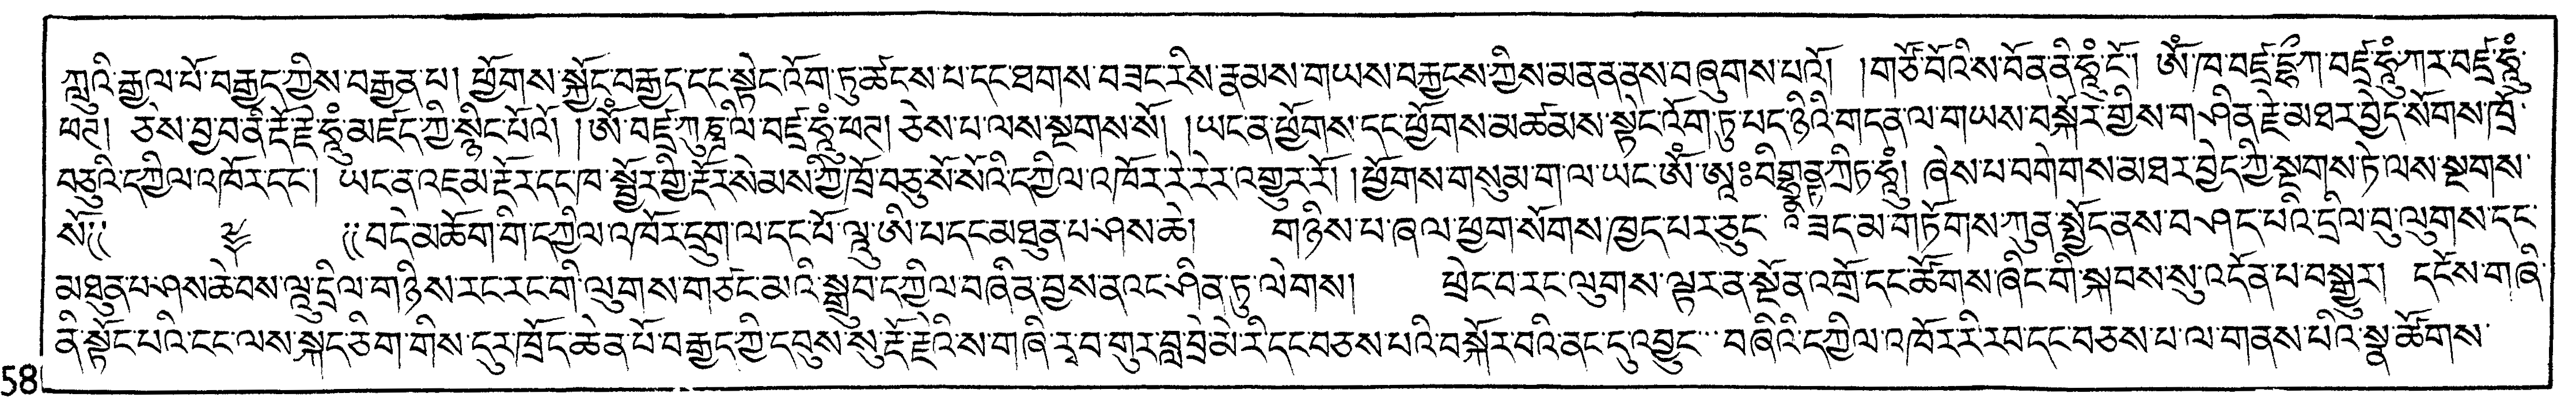ཀླུའི་རྒྱལ་པོ་བརྒྱད་ཀྱིས་བརྒྱན་པ། ཕྱོགས་སྐྱོང་བརྒྱད་དང་སྟེང་འོག་ཏུ་ཚངས་པ་དང་ཐགས་བཟང་རིས་རྣམས་གཡས་བརྐྱངས་ཀྱིས་མནན་ནས་བཞུགས་པའོ། །གཙོ་བོའི་ས་བོན་ནི་ཧཱུཾ་ངོ། ཨོཾ་ཁ་བཛྲ་དྷྀཀ་བཛྲ་ཧཱུཾ་ཀར་བཛྲ་ཧཱུཾ་
ཕཊ། ཅེས་བྱ་བ་ནི་རྡོ་རྗེ་ཧཱུཾ་མཛད་ཀྱི་སྙིང་པོའོ། །ཨོཾ་བཛྲ་ཀུཎྜ་ལི་བཛྲ་ཧཱུཾ་ཕཊ། ཅེས་པ་ལས་སྔགས་སོ། །ཡང་ན་ཕྱོགས་དང་ཕྱོགས་མཚམས་སྟེང་འོག་ཏུ་པད་ཉིའི་གདན་ལ་གཡས་བསྐོར་གྱིས་གཤིན་རྗེ་མཐར་བྱེད་སོགས་ཁྲོ་
བཅུའི་དཀྱིལ་འཁོར་དང་། ཡང་ན་འཇམ་རྡོར་དང་ཁ་སྦྱོར་གྱི་རྡོར་སེམས་ཀྱི་ཁྲོ་བཅུ་སོ་སོའི་དཀྱིལ་འཁོར་རེ་རེར་འགྱུར་རོ། །ཕྱོགས་གསུམ་ག་ལ་ཡང་ཨོཾ་ཨཱཿ བིགྷྣཱནྟ་ཀྲིཏ་ཧཱུཾ། ཞེས་པ་བགེགས་མཐར་བྱེད་ཀྱི་སྔགས་ཏེ་ལས་སྔགས་
སོ༑༑ ༈ ༑༑བདེ་མཆོག་གི་དཀྱིལ་འཁོར་དྲུག་ལ་དང་པོ་ལཱུ་ཨི་པ་དང་མཐུན་པ་ཤས་ཆེ། གཉིས་པ་ཞལ་ཕྱག་སོགས་ཁྱད་པར་ཅུང་ཟད་མ་གཏོགས་ཀུན་སྤྱོད་ནས་བཤད་པའི་དྲིལ་བུ་ལུགས་དང་
མཐུན་པ་ཤས་ཆེ་བས་ལཱུ་དྲིལ་གཉིས་རང་རང་གི་ལུགས་གཙང་མའི་སྒྲུབ་དཀྱིལ་བཞིན་བྱས་ནའང་ཤིན་ཏུ་ལེགས། ཕྲེང་བ་རང་ལུགས་ལྟར་ན་སྔོན་འགྲོ་དང་ཚོགས་ཞིང་གི་སྐབས་སུ་འདོན་པ་བསྒྱུར། དངོས་གཞི་
ནི་སྟོང་པའི་ངང་ལས་སྐད་ཅིག་གིས་དུར་ཁྲོད་ཆེན་པོ་བརྒྱད་ཀྱི་དབུས་སུ་རྡོ་རྗེའི་ས་གཞི་རྭ་བ་གུར་བླ་བྲེ་མེ་རི་དང་བཅས་པའི་བསྐོར་བའི་ནང་དུ་འབྱུང་བཞིའི་དཀྱིལ་འཁོར་རི་རབ་དང་བཅས་པ་ལ་གནས་པའི་སྣ་ཚོགས་